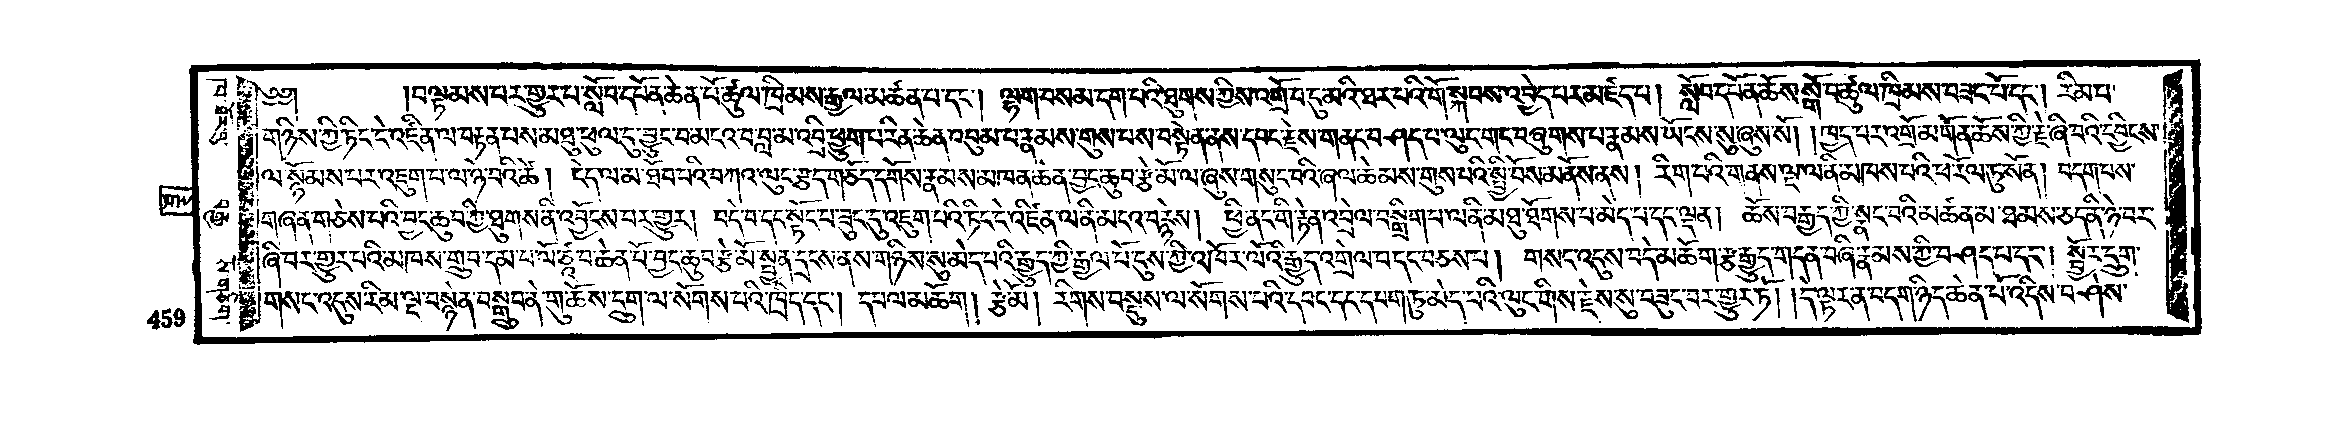༄༅། །བལྟམས་པར་གྱུར་པ་སློབ་དཔོན་ཆེན་པོ་ཚུལ་ཁྲིམས་རྒྱལ་མཚན་པ་དང་། ལྷག་བསམ་དག་པའི་ཐུགས་ཀྱིས་འགྲོ་བ་དུ་མའི་ཐར་པའི་གོ་སྐབས་འབྱེད་པར་མཛད་པ། སློབ་དཔོན་ཆོས་སྒོ་བ་ཚུལ་ཁྲིམས་བཟང་པོ་དང་། རིམ་པ་
གཉིས་ཀྱི་ཏིང་ངེ་འཛིན་ལ་བརྟེན་པས་མཐུ་ཕུལ་དུ་བྱུང་བ་མངའ་བ་བླ་མ་འབྲི་ཕྱུག་པ་རིན་ཆེན་འབུམ་པ་རྣམས་གུས་པས་བསྟེན་ནས་དབང་རྗེས་གནང་བཤད་པ་ལུང་གང་བཞུགས་པ་རྣམས་ཡོངས་སུ་ཞུས་སོ། །ཁྱད་པར་འགྲོ་མགོན་ཆོས་ཀྱི་རྗེ་ཞི་བའི་དབྱིངས་
ལ་སྙོམས་པར་འཇུག་པ་ལ་ཉེ་བའི་ཚེ། ངེད་ལ་མ་ཐོབ་པའི་བཀའ་ལུང་རྩད་གཅོད་དགོས་རྣམས་མཁན་ཆེན་བྱང་ཆུབ་རྩེ་མོ་ལ་ཞུས་གསུང་བའི་ཞལ་ཆེམས་གུས་པའི་སྤྱི་བོས་མནོས་ནས། རིག་པའི་གནས་ལྔ་ལ་ནི་མཁས་པའི་ཕ་རོལ་ཏུ་སོན། བདག་པས་
གཞན་གཅེས་པའི་བྱང་ཆུབ་ཀྱི་ཐུགས་ནི་འབྱོངས་པར་གྱུར། བདེ་བ་དང་སྟོང་པ་ཟུང་དུ་འཇུག་པའི་ཏིང་ངེ་འཛིན་ལ་ནི་མངའ་བརྙེས། ཕྱི་ནང་གི་རྟེན་འབྲེལ་བསྒྲིག་པ་ལ་ནི་མཐུ་ཐོགས་པ་མེད་པ་དང་ལྡན། ཆོས་བརྒྱད་ཀྱི་སྣང་བའི་མཚན་མ་ཐམས་ཅད་ནི་ཉེ་བར་
ཞི་བར་གྱུར་པའི་མཁས་གྲུབ་དམ་པ་ལོ་ཙཱ་བ་ཆེན་པོ་བྱང་ཆུབ་རྩེ་མོ་སྤྱན་དྲངས་ནས་གཉིས་སུ་མེད་པའི་རྒྱུད་ཀྱི་རྒྱལ་པོ་དུས་ཀྱི་འཁོར་ལོའི་རྒྱུད་འགྲེལ་པ་དང་བཅས་པ། གསང་འདུས་བདེ་མཆོག་རྩ་རྒྱུད་གདན་བཞི་རྣམས་ཀྱི་བཤད་པ་དང་། སྦྱོར་དྲུག་
གསང་འདུས་རིམ་ལྔ་བསྙེན་བསྒྲུབ་ནེ་གུ་ཆོས་དྲུག་ལ་སོགས་པའི་ཁྲིད་དང་། དཔལ་མཆོག །རྩེ་མོ། རིགས་བསྡུས་ལ་སོགས་པའི་དབང་དང་དཔག་ཏུ་མེད་པའི་ལུང་གིས་རྗེས་སུ་བཟུང་བར་གྱུར་ཏོ། །དེ་ལྟར་ན་བདག་ཉིད་ཆེན་པོ་འདིས་བཤེས་